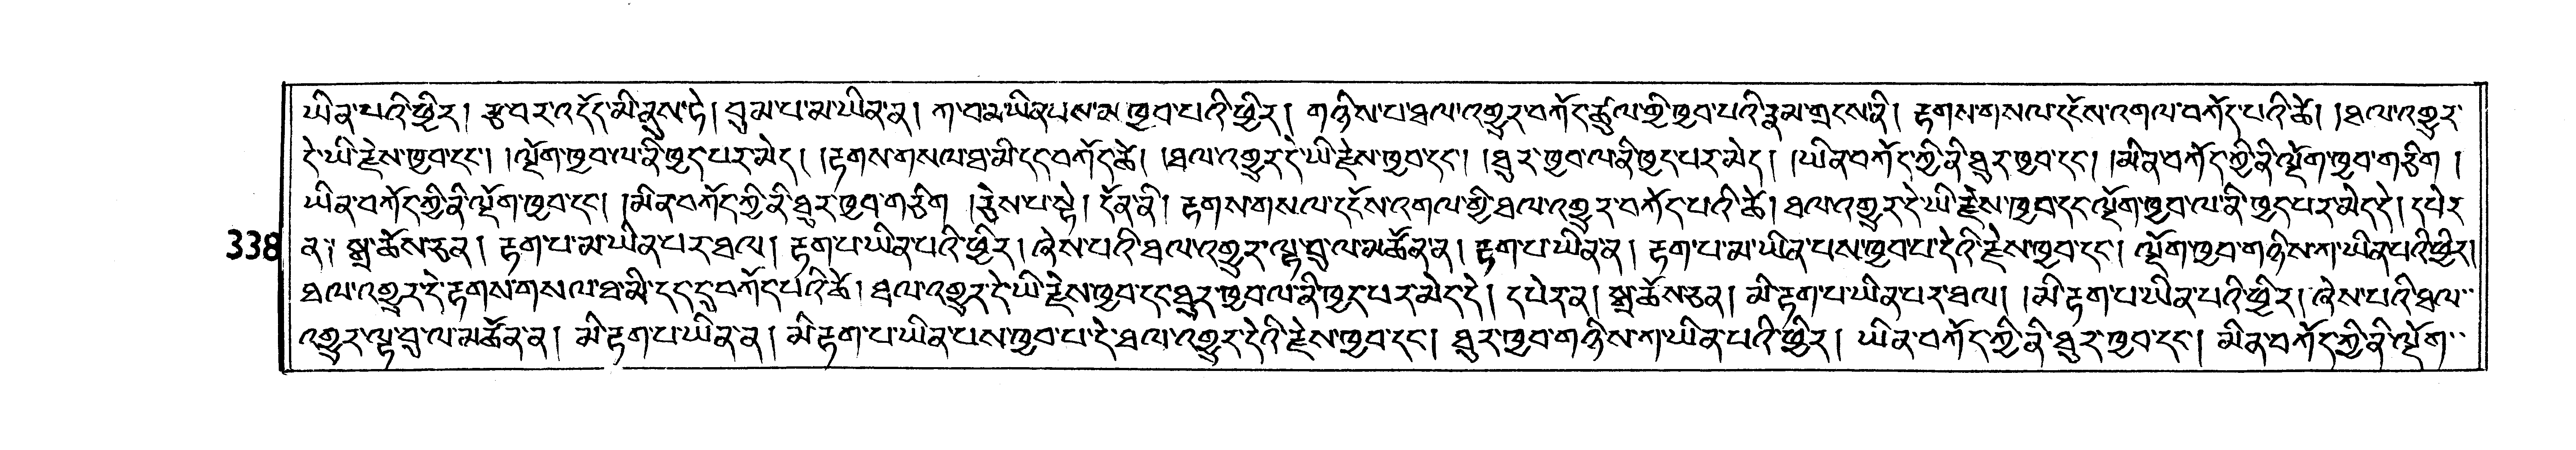ཡིན་པའི་ཕྱིར། རྩ་བར་འདོད་མི་ནུས་ཏེ། བུམ་པ་མ་ཡིན་ན། ཀ་བ་མ་ཡིན་པས་མ་ཁྱབ་པའི་ཕྱིར། གཉིས་པ་ཐལ་འགྱུར་བཀོད་ཚུལ་གྱི་ཁྱབ་པའི་རྣམ་གྲངས་ནི། རྟགས་གསལ་དངོས་འགལ་བཀོད་པའི་ཚེ། །ཐལ་འགྱུར་
དེ་ཡི་རྗེས་ཁྱབ་དང་། །ལྡོག་ཁྱབ་ལ་ནི་ཁྱད་པར་མེད། །རྟགས་གསལ་ཐ་མི་དད་བཀོད་ཚེ། །ཐལ་འགྱུར་དེ་ཡི་རྗེས་ཁྱབ་དང་། །ཐུར་ཁྱབ་ལ་ནི་ཁྱད་པར་མེད། །ཡིན་བཀོད་ཀྱི་ནི་ཐུར་ཁྱབ་དང་། །མིན་བཀོད་ཀྱི་ནི་ལྡོག་ཁྱབ་གཅིག །
ཡིན་བཀོད་ཀྱི་ནི་ལྡོག་ཁྱབ་དང་། །མིན་བཀོད་ཀྱི་ནི་ཐུར་ཁྱབ་གཅིག །ཅེས་པ་སྟེ། དོན་ནི། རྟགས་གསལ་དངོས་འགལ་གྱི་ཐལ་འགྱུར་བཀོད་པའི་ཚེ། །ཐལ་འགྱུར་དེ་ཡི་རྗེས་ཁྱབ་དང་ལྡོག་ཁྱབ་ལ་ནི་ཁྱད་པར་མེད་དེ། དཔེར་
ན༑ སྒྲ་ཆོས་ཅན། རྟག་པ་མ་ཡིན་པར་ཐལ། རྟག་པ་ཡིན་པའི་ཕྱིར། ཞེས་པའི་ཐལ་འགྱུར་ལྟ་བུ་ལ་མཚོན་ན། རྟག་པ་ཡིན་ན། རྟག་པ་མ་ཡིན་པས་ཁྱབ་པ་དེའི་རྗེས་ཁྱབ་དང་། ལྡོག་ཁྱབ་གཉིས་ཀ་ཡིན་པའི་ཕྱིར།
ཐལ་འགྱུར་དེ་རྟགས་གསལ་ཐ་མི་དད་དུ་བཀོད་པའི་ཚེ། ཐལ་འགྱུར་དེ་ཡི་རྗེས་ཁྱབ་དང་ཐུར་ཁྱབ་ལ་ནི་ཁྱད་པར་མེད་དེ། དཔེར་ན། སྒྲ་ཆོས་ཅན། མི་རྟག་པ་ཡིན་པར་ཐལ། །མི་རྟག་པ་ཡིན་པའི་ཕྱིར། ཞེས་པའི་ཐལ་
འགྱུར་ལྟ་བུ་ལ་མཚོན་ན། མི་རྟག་པ་ཡིན་ན། མི་རྟག་པ་ཡིན་པས་ཁྱབ་པ་དེ་ཐལ་འགྱུར་དེའི་རྗེས་ཁྱབ་དང་། ཐུར་ཁྱབ་གཉིས་ཀ་ཡིན་པའི་ཕྱིར། ཡིན་བཀོད་ཀྱི་ནི་ཐུར་ཁྱབ་དང་། མིན་བཀོད་ཀྱི་ནི་ལྡོག་